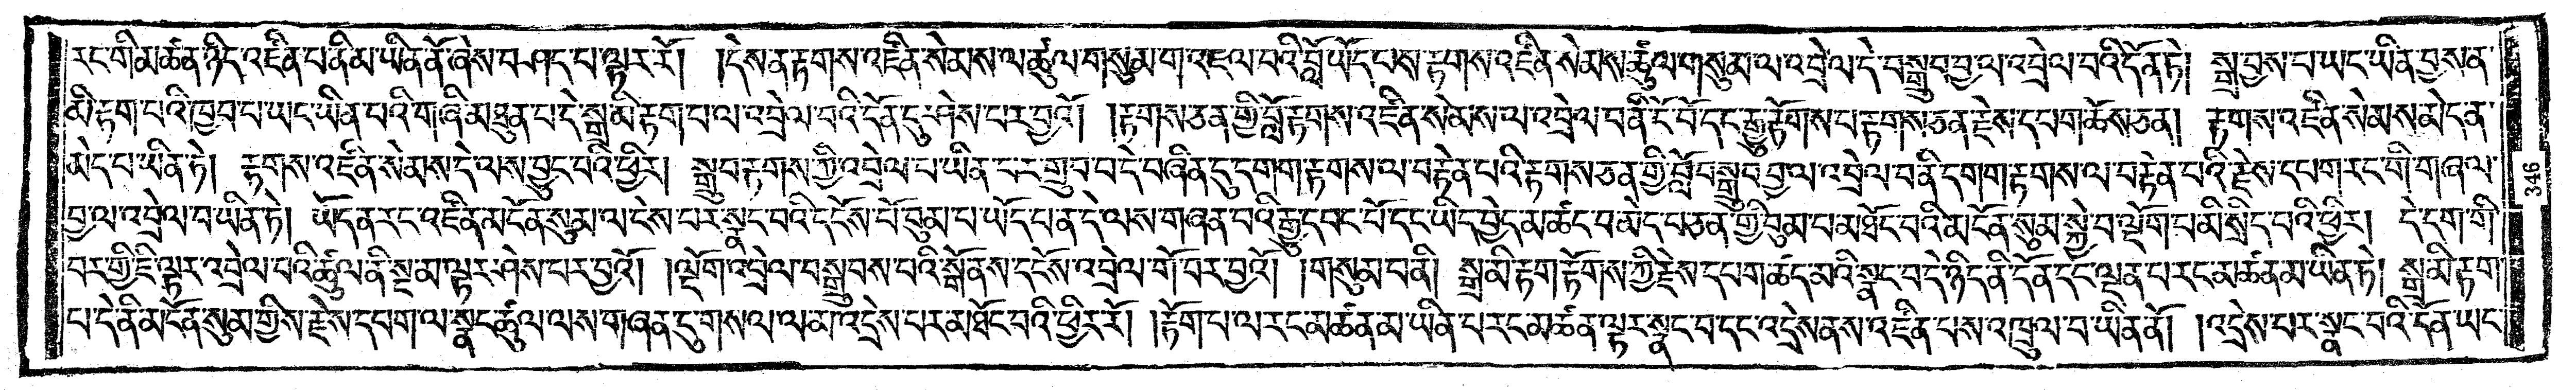རང་གི་མཚན་ཉིད་འཛིན་པ་ནི་མ་ཡིན་ནོ་ཞེས་བཤད་པ་ལྟར་རོ། །དེས་ན་རྟགས་འཛིན་སེམས་ལ་ཚུལ་གསུམ་ག་འཇལ་བའི་བློ་ཡོད་པས་རྟགས་འཛིན་སེམས་ཚུལ་གསུམ་ལ་འབྲེལ་དེ་བསྒྲུབ་བྱ་ལ་འབྲེལ་བའི་དོན་ཏེ། སྒྲ་བྱས་པ་ཡང་ཡིན་བྱས་ན་
མི་རྟག་པའི་ཁྱབ་པ་ཡང་ཡིན་པའི་གཞི་མཐུན་པ་དེ་སྒྲ་མི་རྟག་པ་ལ་འབྲེལ་བའི་དོན་དུ་ཤེས་པར་བྱའོ། །རྟགས་ཅན་གྱི་བློ་རྟགས་འཛིན་སེམས་ལ་འབྲེལ་བ་ནི་ངོ་བོ་དང་རྒྱུ་རྟོགས་པ་རྟགས་ཅན་རྗེས་དཔག་ཆོས་ཅན། རྟགས་འཛིན་སེམས་མེད་ན་
མེད་པ་ཡིན་ཏེ། རྟགས་འཛིན་སེམས་དེ་ལས་བྱུང་བའི་ཕྱིར། སྒྲུབ་རྟགས་ཀྱི་འབྲེལ་པ་ཡིན་པར་གྲུབ་པ་དེ་བཞིན་དུ་དགག་རྟགས་ལ་བརྟེན་པའི་རྟགས་ཅན་གྱི་བློ་བསྒྲུབ་བྱ་ལ་འབྲེལ་བ་ནི་དགག་རྟགས་ལ་བརྟེན་པའི་རྗེས་དཔག་རང་གི་གཞལ་
བྱ་ལ་འབྲེལ་བ་ཡིན་ཏེ། ཡོད་ན་རང་འཛིན་མངོན་སུམ་ལ་ངེས་པར་སྣང་བའི་དངོས་པོ་བུམ་པ་ཡོད་པ་ན་དེ་ལས་གཞན་པའི་རྒྱུ་དབང་པོ་དང་ཡིད་བྱེད་མ་ཚང་བ་མེད་པ་ཅན་གྱི་བུམ་པ་མཐོང་བའི་མངོན་སུམ་སྐྱེ་བ་ལྡོག་པ་མི་སྲིད་པའི་ཕྱིར། དེ་དག་གི་
བར་གྱི་ཇི་ལྟར་འབྲེལ་བའི་ཚུལ་ནི་སྔ་མ་ལྟར་ཤེས་པར་བྱའོ། །ལྡོག་འབྲེལ་བསྒྲུབས་པའི་སྒོ་ནས་དངོས་འབྲེལ་གོ་བར་བྱའོ། །གསུམ་པ་ནི། སྒྲ་མི་རྟག་རྟོགས་ཀྱི་རྗེས་དཔག་ཚད་མའི་སྣང་བ་དེ་ཉིད་ནི་དོན་དང་ལྡན་པ་རང་མཚན་མ་ཡིན་ཏེ། སྒྲ་མི་རྟག་
པ་དེ་ནི་མངོན་སུམ་གྱིས་རྗེས་དཔག་ལ་སྣང་ཚུལ་ལས་གཞན་དུ་གསལ་ལ་མ་འདྲེས་པར་མཐོང་བའི་ཕྱིར་རོ། །རྟོག་པ་ལ་རང་མཚན་མ་ཡིན་པ་རང་མཚན་ལྟར་སྣང་བ་དང་འདྲེས་ནས་འཛིན་པས་འཁྲུལ་བ་ཡིན་ནོ། །འདྲེས་པར་སྣང་བའི་དོན་ཡང་